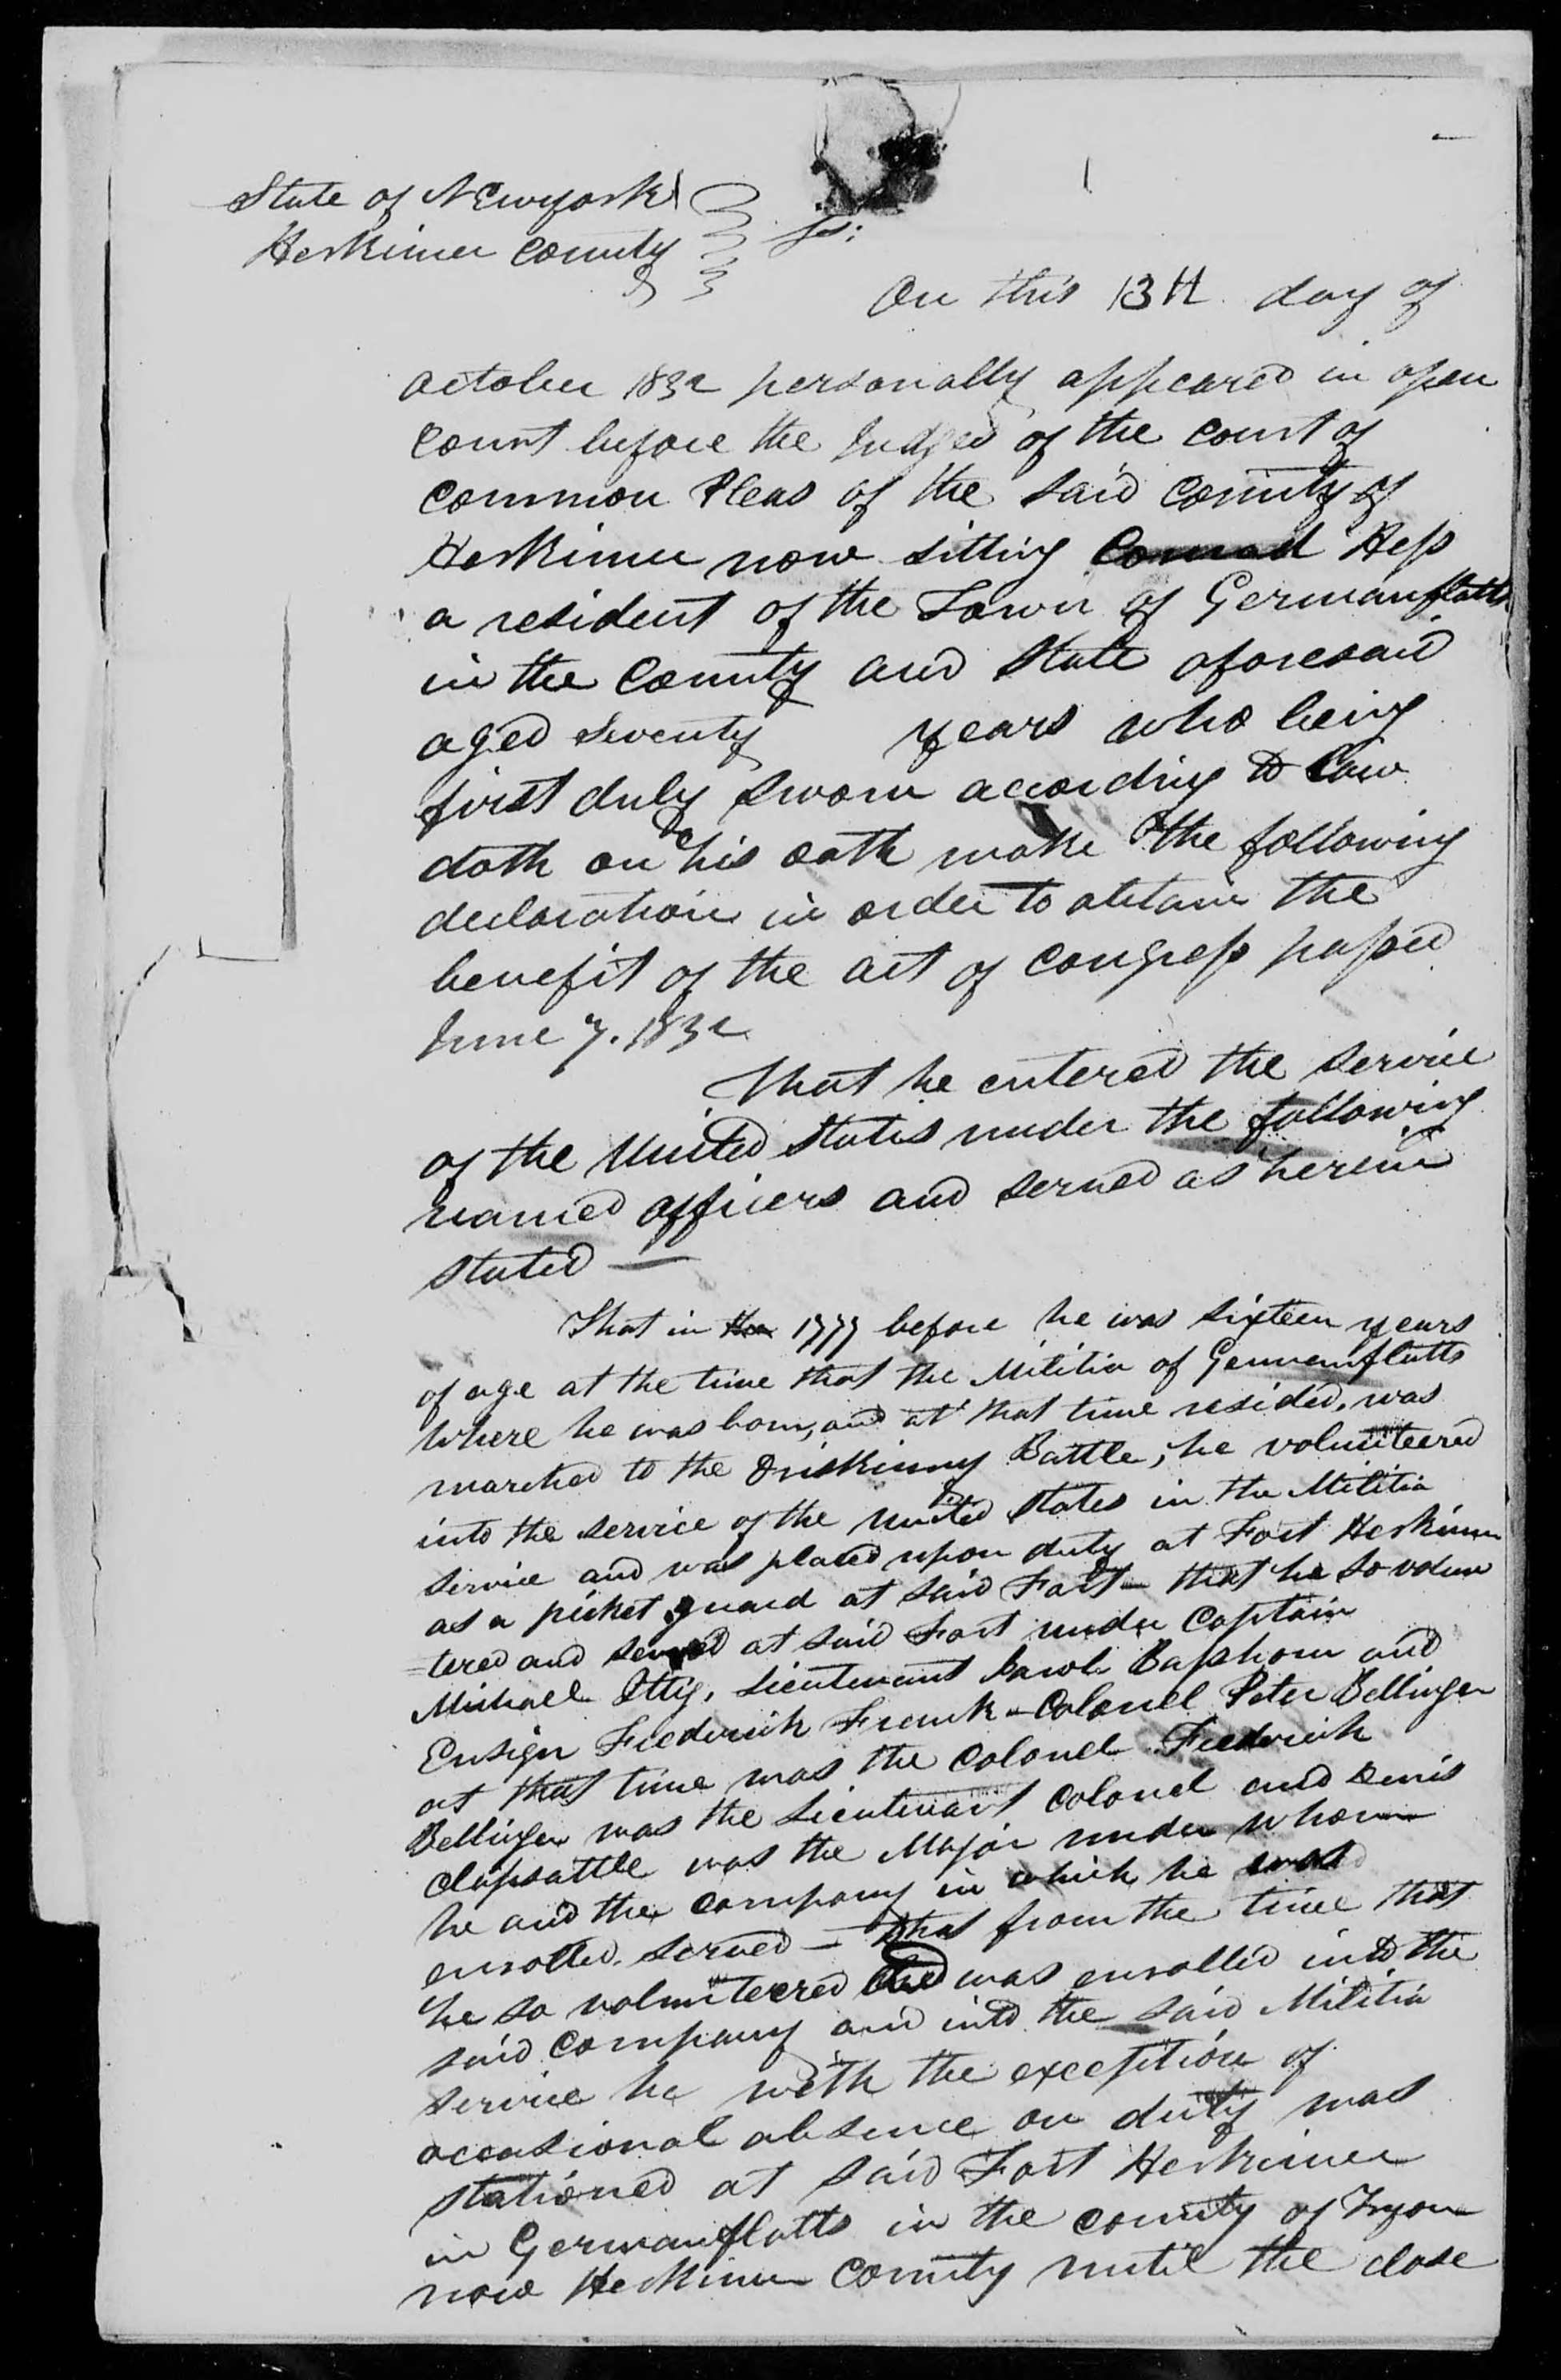[handwritten]

State of New York}
Herkimer County} SS.

On this 13th day of October 1832 personally appeared in open court before the judged of the court of common pleas of the said county of Herkimer now sitting Conrad Hess a resident of the Town Germanflatts in the county and state aforesaid aged seventy years who being first duly sworn according to law doth on his oath make the following declaration in order to attain the benefit of the act of congress paper June 7. 1832
That he entered the service of the Untied States under the following named officers and served as herein stated - 
That in [illegible] 1777 before he was sixteen years of age at the time that the militia of Germanflatts where he was born, and at that time resided, was marched to the Oriskany Battle, he volunteered into the service of the United States in the militia service and was placed upon duty at Fort Herkimer as a picket guard at said Fort - that he so volunteered and served at said Fort under Captain Michael Itty, Lieutenant Carol Basshorn and Ensign Frederick Freuck - Colonel Peter Bellinger at that time was the Colonel Frederick Bellinger was the Lieutenant Colonel and Denis Clapsattle was the Major under whom he and the company in which he was enrolled served - that from the time that he so volunteered and was enrolled into the said company and into the said militia service he with the exception of occasional absence on duty was stationed at said Fort Herkimer in Germanflatts in the county of Tryon  said Herkimer County until the close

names: Jacob Bassham, Frederick Bellinger, Michael Ittig, Denis Clapsattle, Frederick Frank, Peter Bellinger, Conrad Hess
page: 3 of 30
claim: rejected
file: R. 4927, Conrad Hess, New York